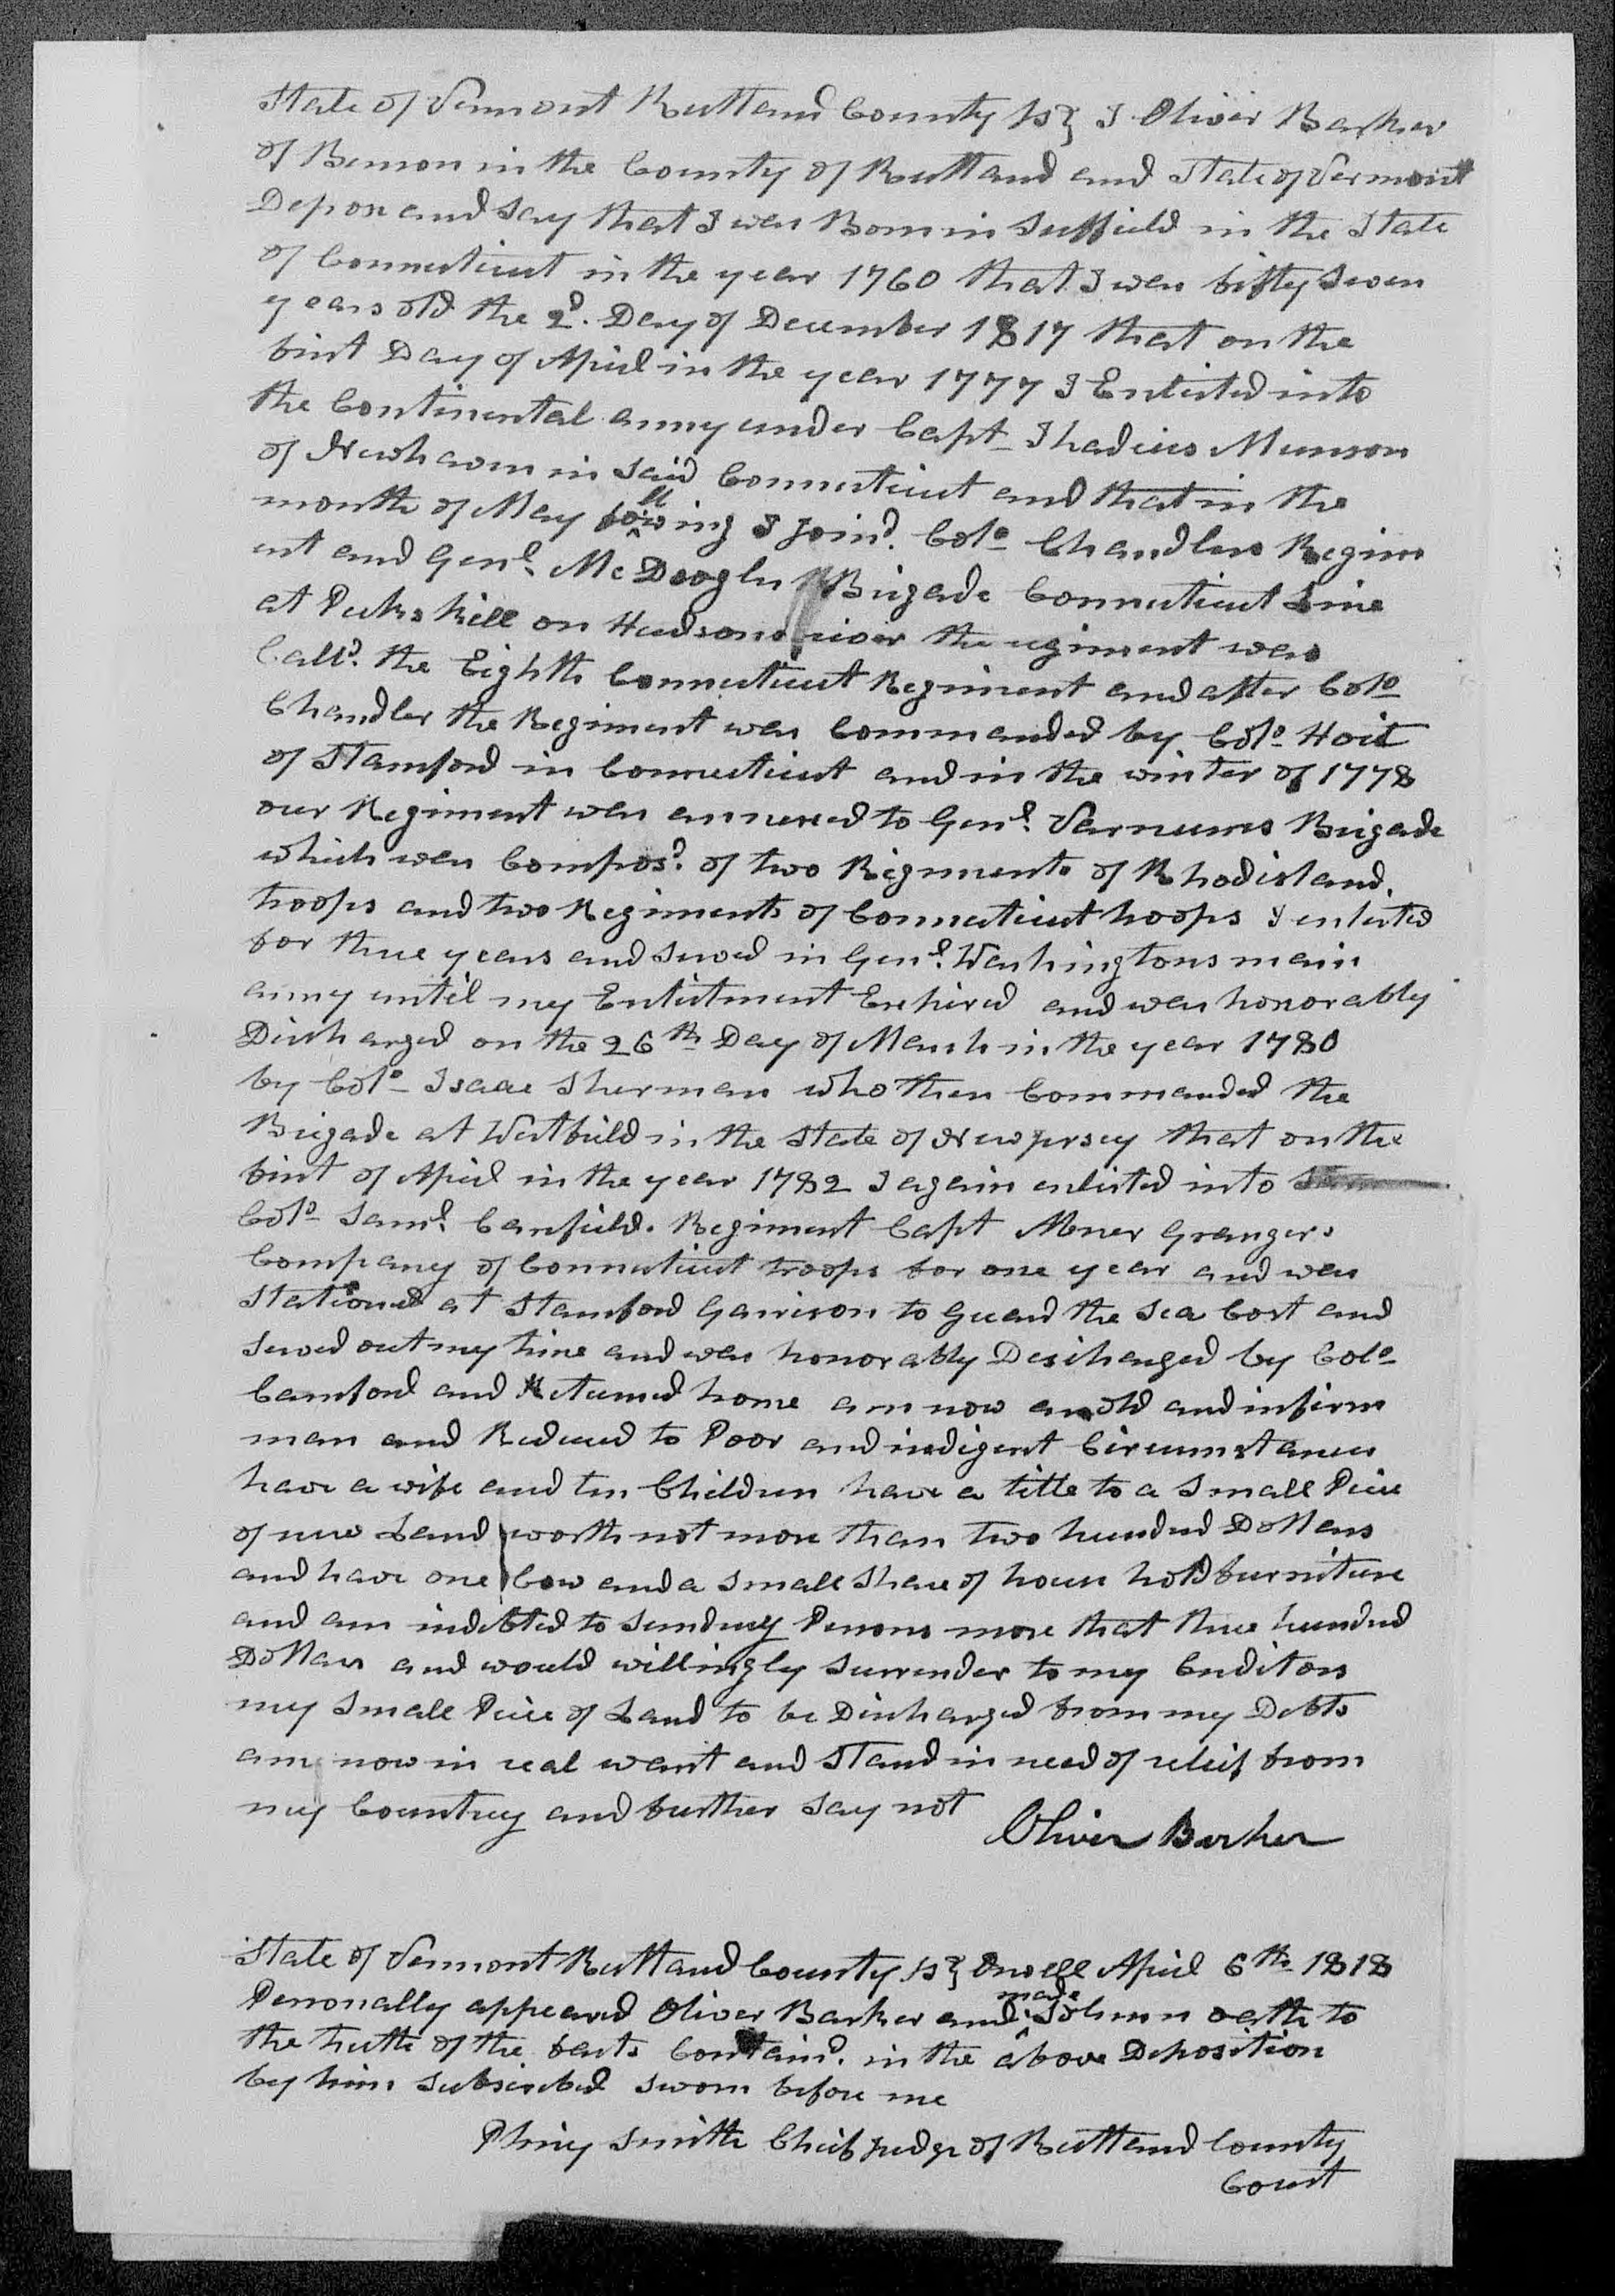State of Vermont 
Rutland County ss } I Oliver Barker of Benson in the County of Rutland and State of Vermont Depose and say that I was born in Suffield in the State of Connecticut in the year 1760 that I was fifty seven years old the 2d day of December 1817 that on the first day of April in the year 1777 I enlisted into the Continental army under Capt Thaddeus Munson of Newhaven in said Connecticut and that in the month of May following I joined Col Chandler Regiment and Genl McDougals  Brigade Connecticut Line at Peekskill on Hudson river the regiment was all the Eighth Connecticut Regiment and after Col Chandler the Regiment was commanded by Col Hoit of Stamford in Connecticut and in the winter of 1778 our Regiment was annexed to Genl Varnums Brigade which was composed of two Regiment of Rhode Island troops and two Regiments of Connecticut troops - I enlisted for three years and served in Genl Washingtons main army until my Enlistment expired and was honorably Discharged on the 26th Day of March in the year 1780 by Col Isaac Sherman who then commanded the Brigade at Westfield in the State of New Jersey-   that on the first of April in the year 1782 I again enlisted into Col Saml Canfields Regiment, Capt Abner Grangers Company of Connecticut troops for one year and was stationed at Stamford Garrison to guard the sea coast and served out my time and was honorably Discharged by Col Canfield and returned home – am now an old and infirm man and reduced to poor and indigent circumstances have a wife and ten children have a title to a small Piece of New Land worth not more than two hundred Dollars and have one Cow and a small share of house hold furniture and am indebted to sundry persons more that three hundred Dollars and would willingly surrender to my creditors my small piece of Land to be Discharged from my Debts am now in real want and stand in need of relief from my Country and further say not 
Oliver Barker 
State of Vermont Rutland County ss } Oneill April 6th 1818 Personally appeared Oliver Barker and made Solemn oath to the truth of the facts contained in the above Deposition by him subscribed sworn before me 
Pliny Smith Chief Judge of Rutland County Court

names: Oliver Barker, Pliny Smith, Oliver Barker, Hoit, Oliver Barker, Washingtons, Chandler, Thadius Munson, Isaac Sherman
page: 50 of 51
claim: widow's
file: W. 1698, Oliver Barker, Conn.